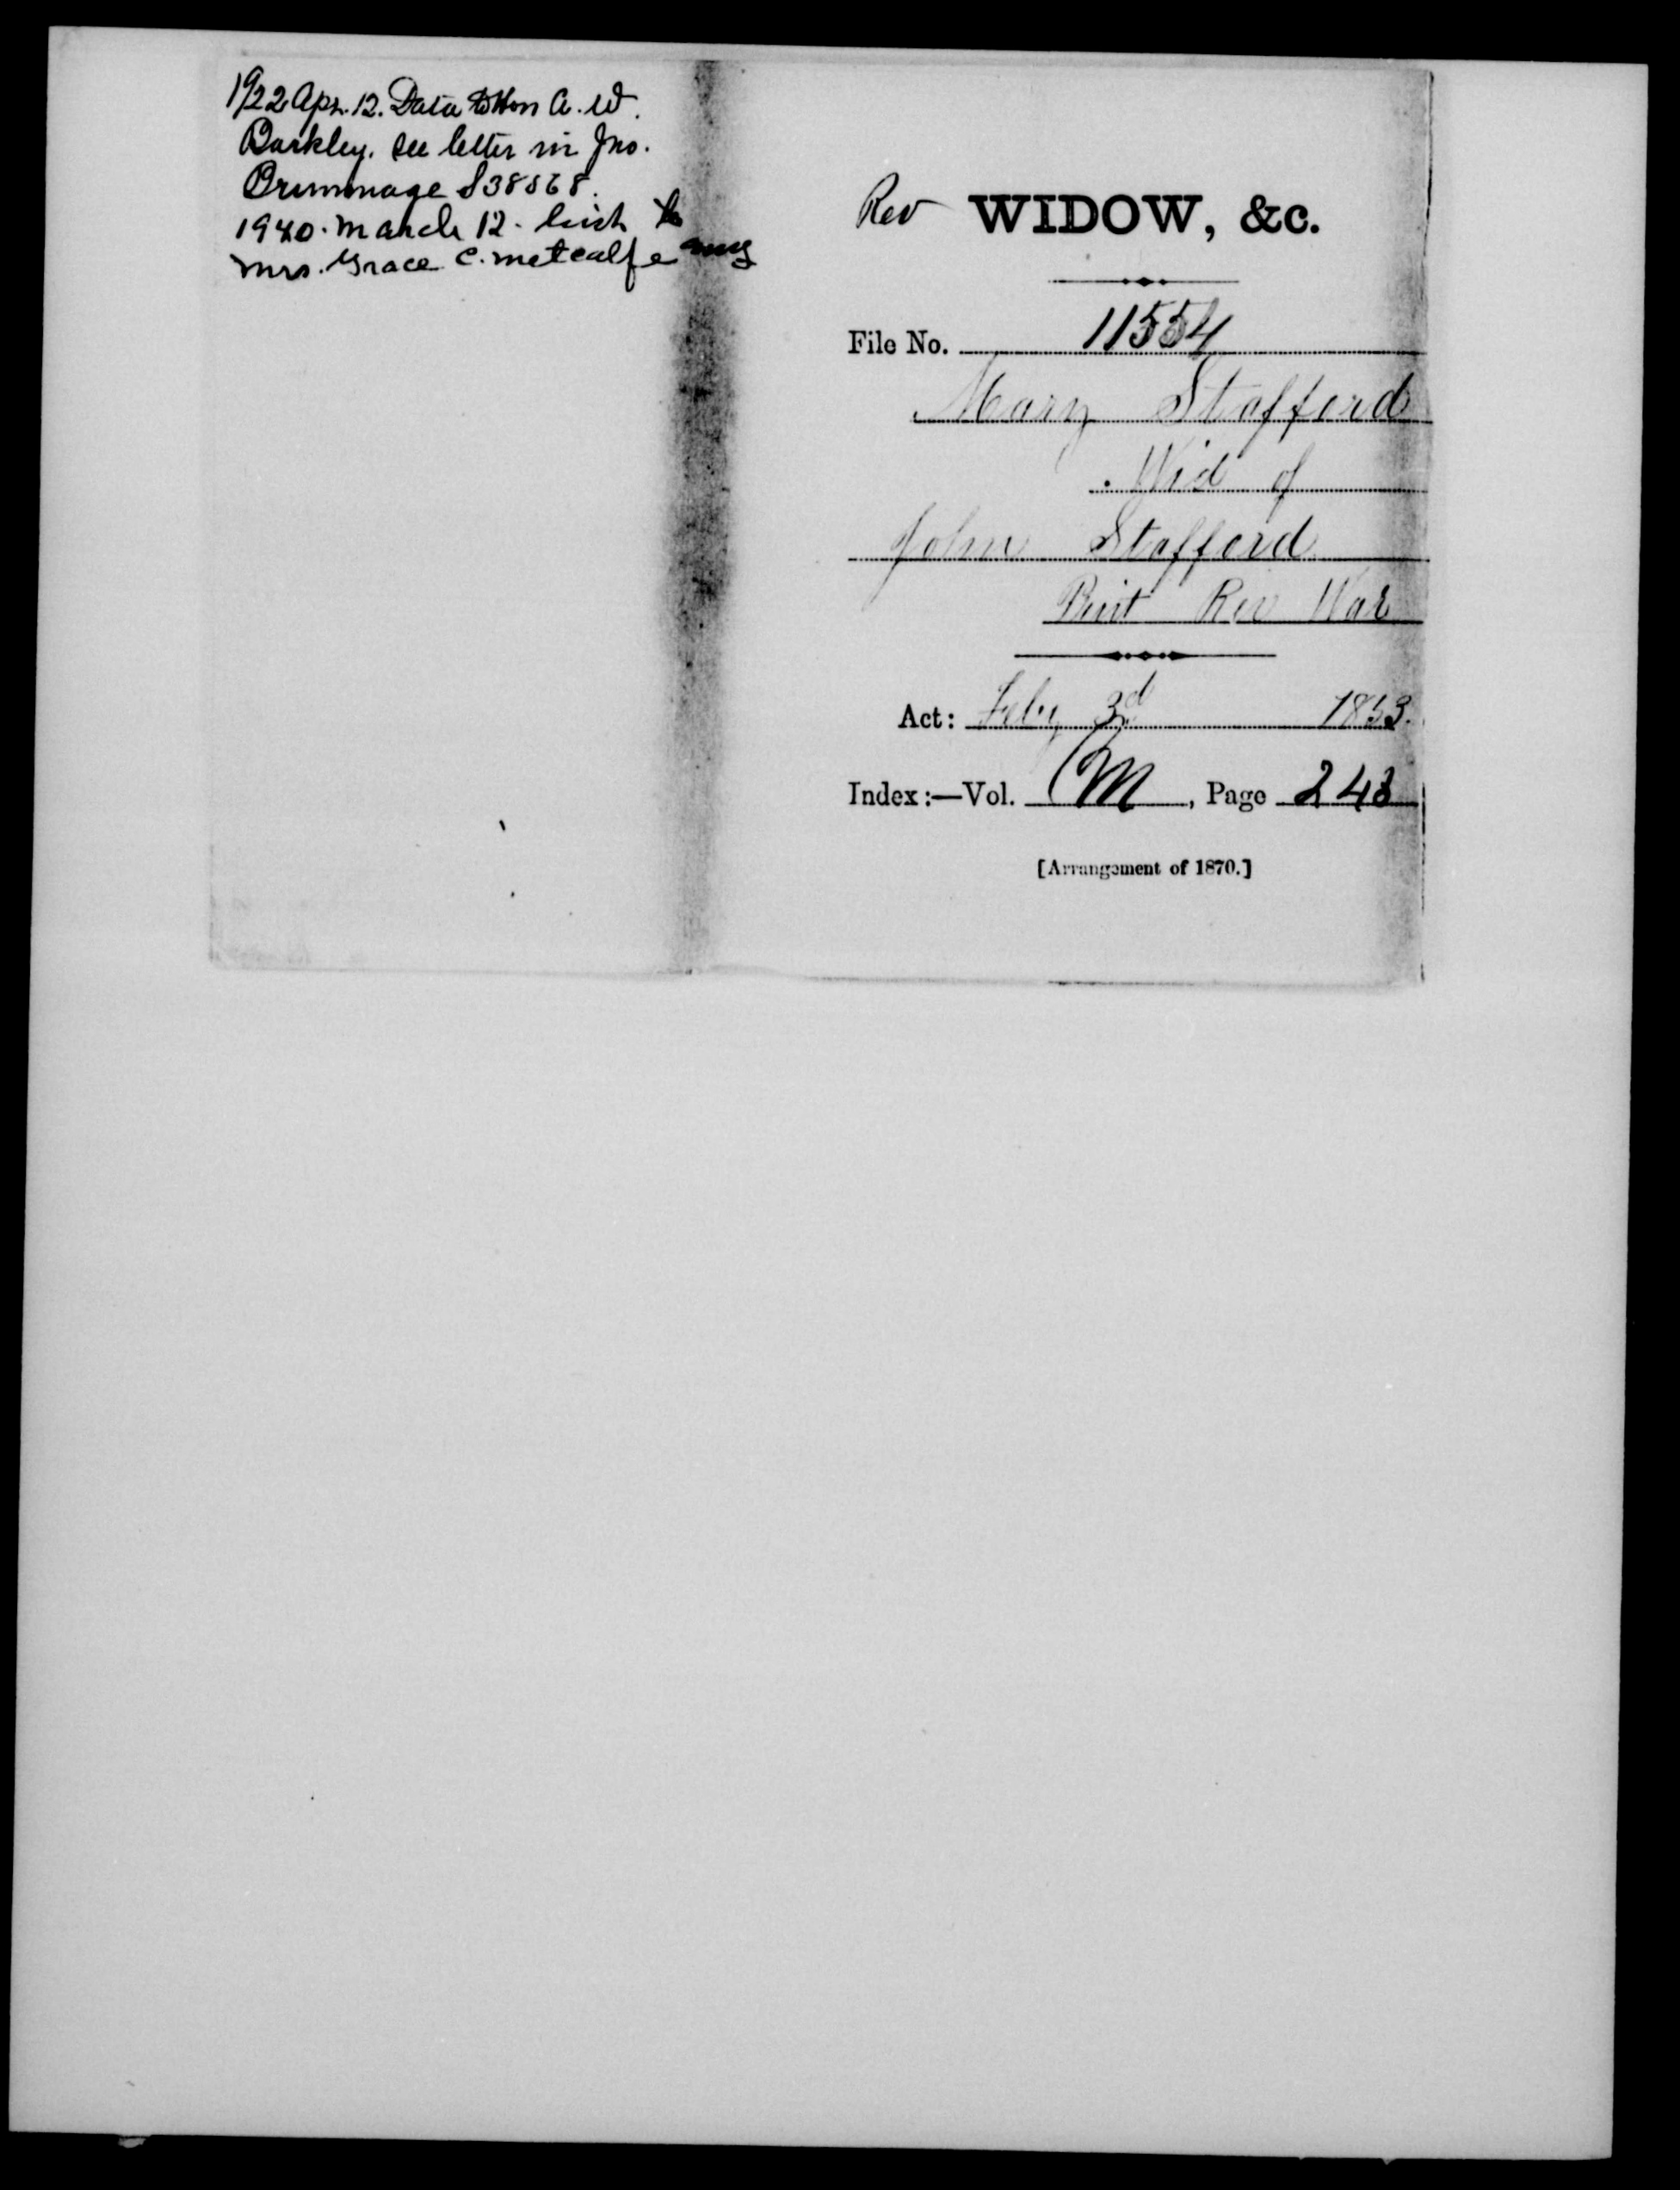1922 Apr 12. Data to hon A. W. Barkley. See lettin in Jno Brummage S 38568
1940. March 12. laid to Mrs. Grace C. Metcalfe.my.

Rev Widow, &c
File No 11554
Mary Stafford
Wid of
John Stfford
Prvt Rev War
Act: Feb 3d 1853
Index:—Vol M, Page 243
arrangement of 1870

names: John Stafford; Mary Stafford; A W Barkley; Grace C Metcalfe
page: 61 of 61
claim: widow's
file: W. 11554, for John Stafford, Maryland